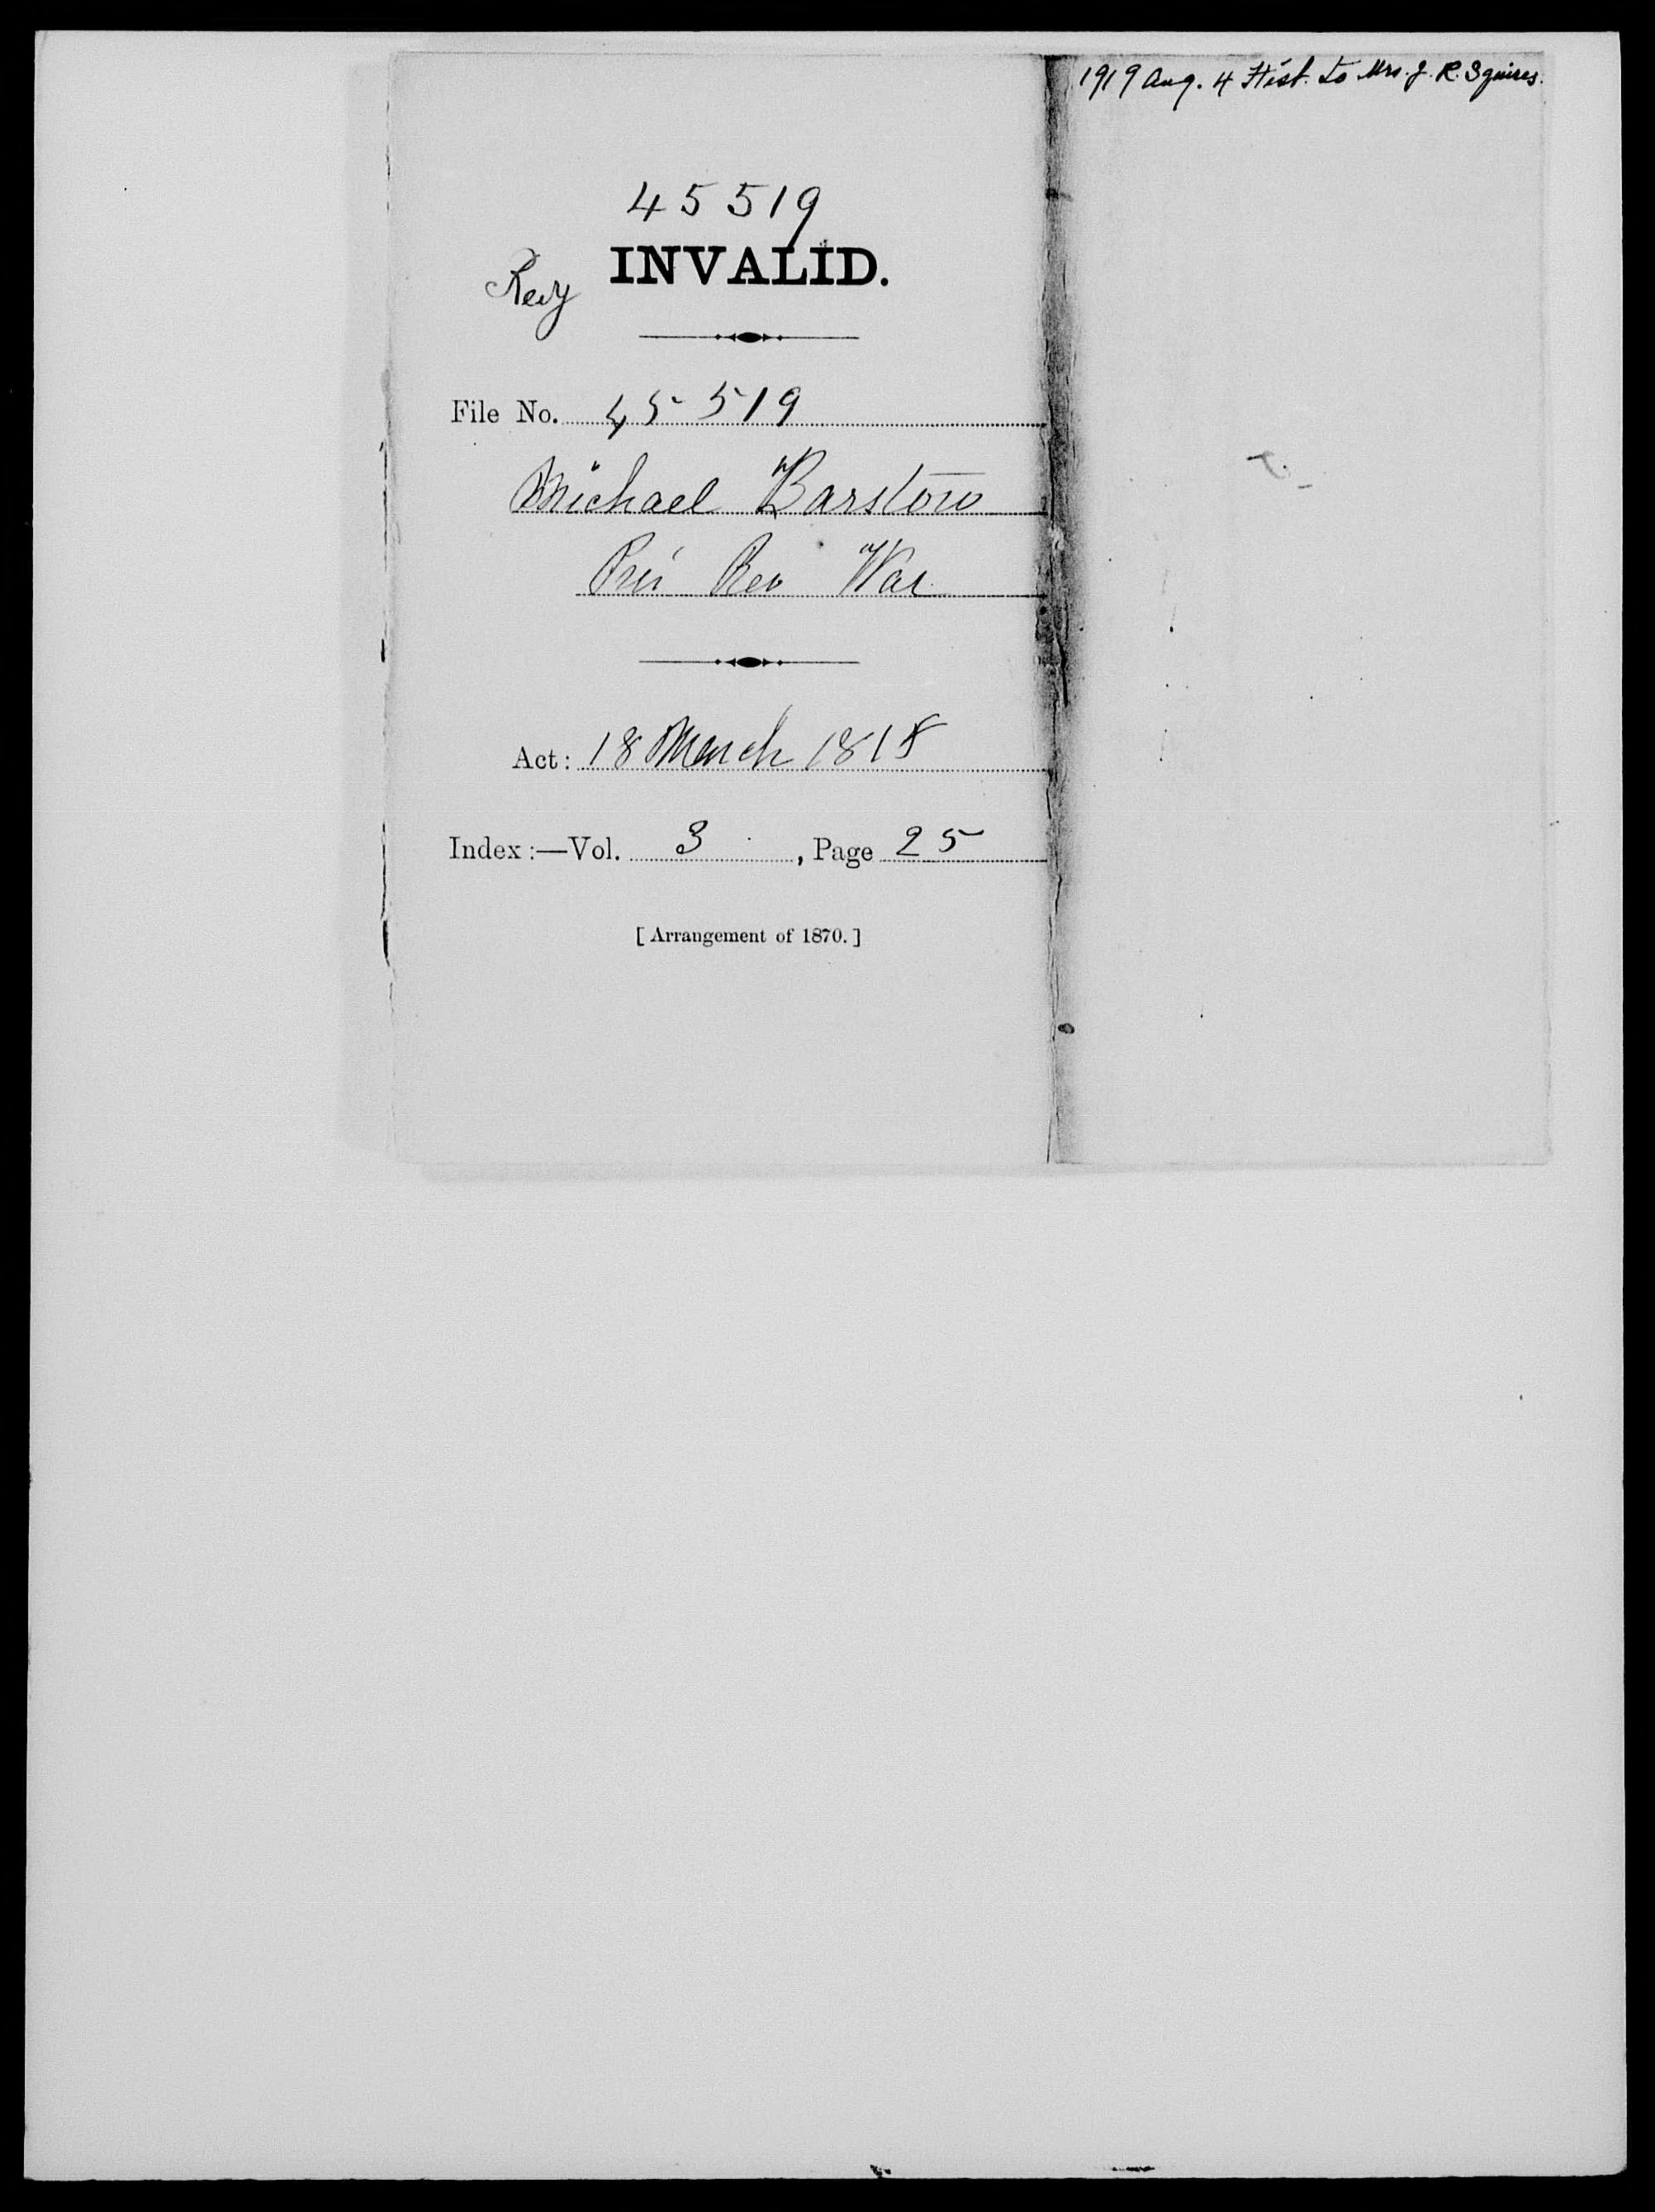45,519
Revy
INVALID
File No. 45, 519
Michael Bartow
Priv Rev War
Act: 18 March 1818
Index: Vol 3 Page 25

1919 Aug 4. Hist to Mrs. J R Squires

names: Michael Barstow, J R Squires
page: 11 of 22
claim: survivor's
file: S. 45,519, Michael Barstow, Conn.